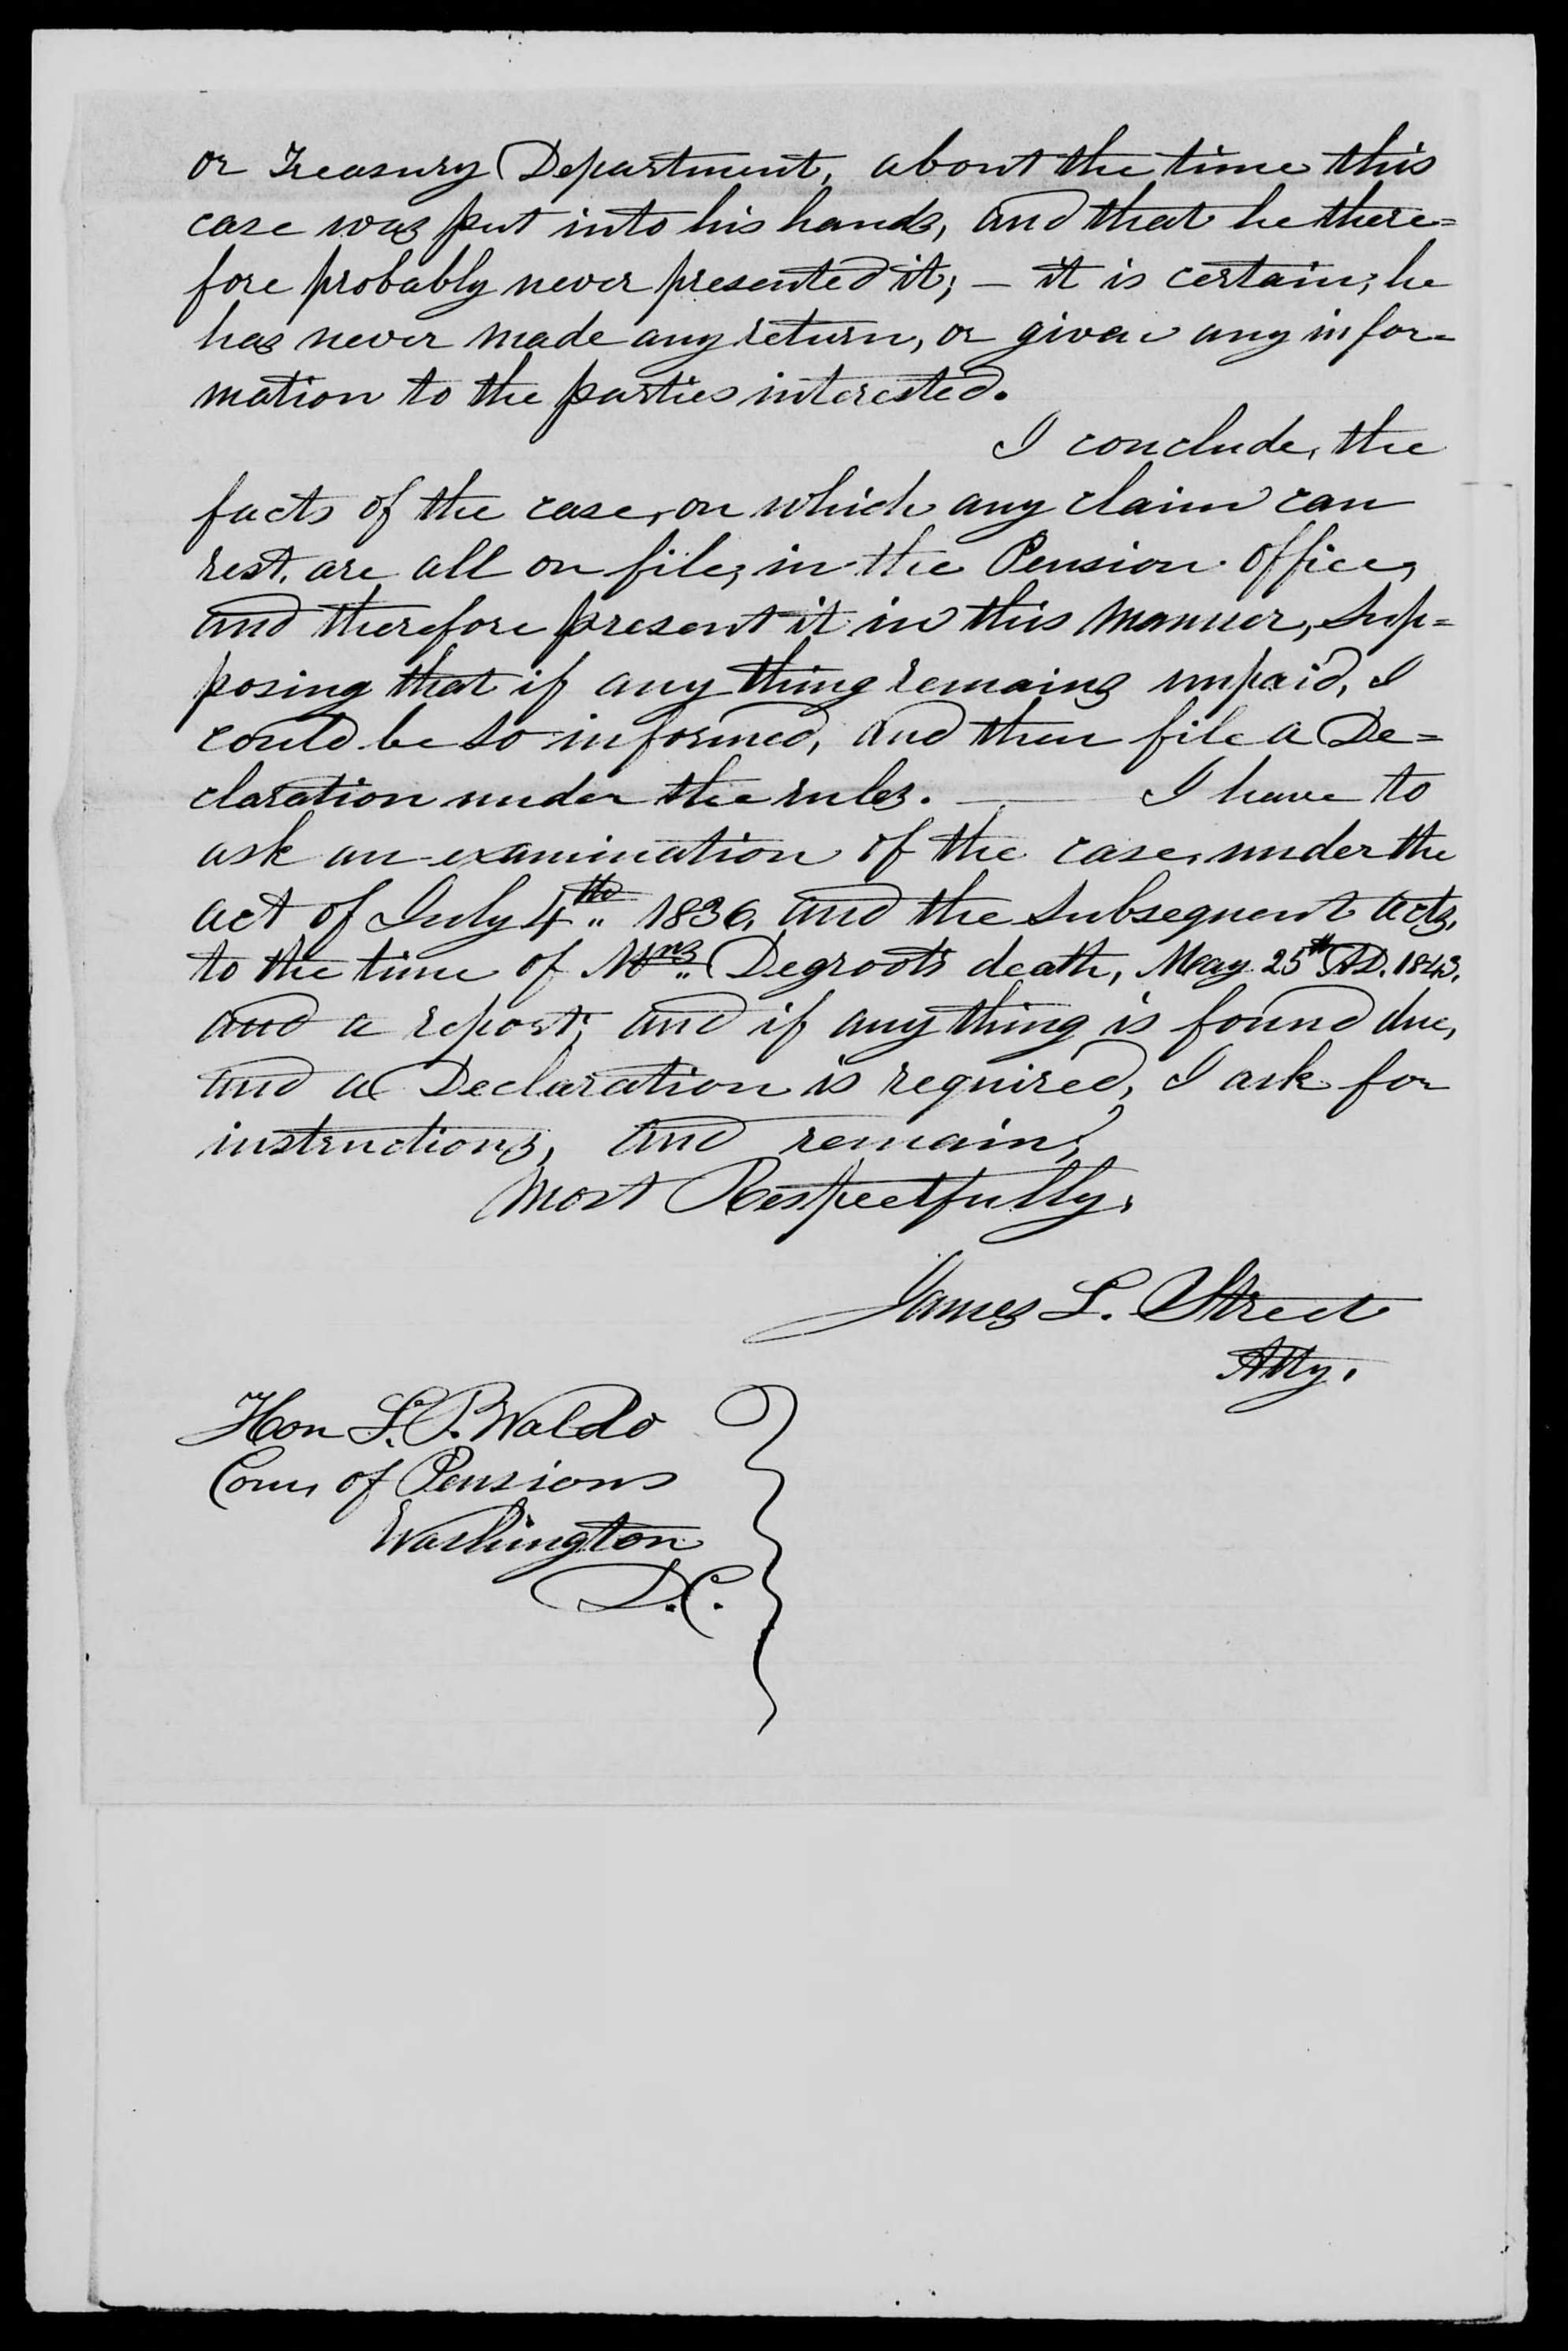or Treasury Department, about the times this case was put into his hands, and that he there fore probably never presented it, _ it is certain he has never made any [illegible], or given any information to the parties interacted.
I conclude, the facts of the case on which any claims can rest are all on file, in the Pension Office, and therefore present it in this manner, [illegible] that if any thing remains unpaid, i could be so informed, and there file a declaration under the [illegible]. _ I have to ask an examination of the case, under the act of July 4th,, 1836, and the subsequent acts, to the time of Mrs. Degroot's death, May 25th AD, 1845, and a [illegible] and if anything is found due, and a declaration is required, I ask for instructions, and remains.
Most Respectfully,
James L. Street

Hon. L.P. Waldo
Com. of Pensions
Washington D.C.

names: Degroot, James L Street, L P Waldo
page: 27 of 77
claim: widow's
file: W. 417, William De Groot, New Jersey